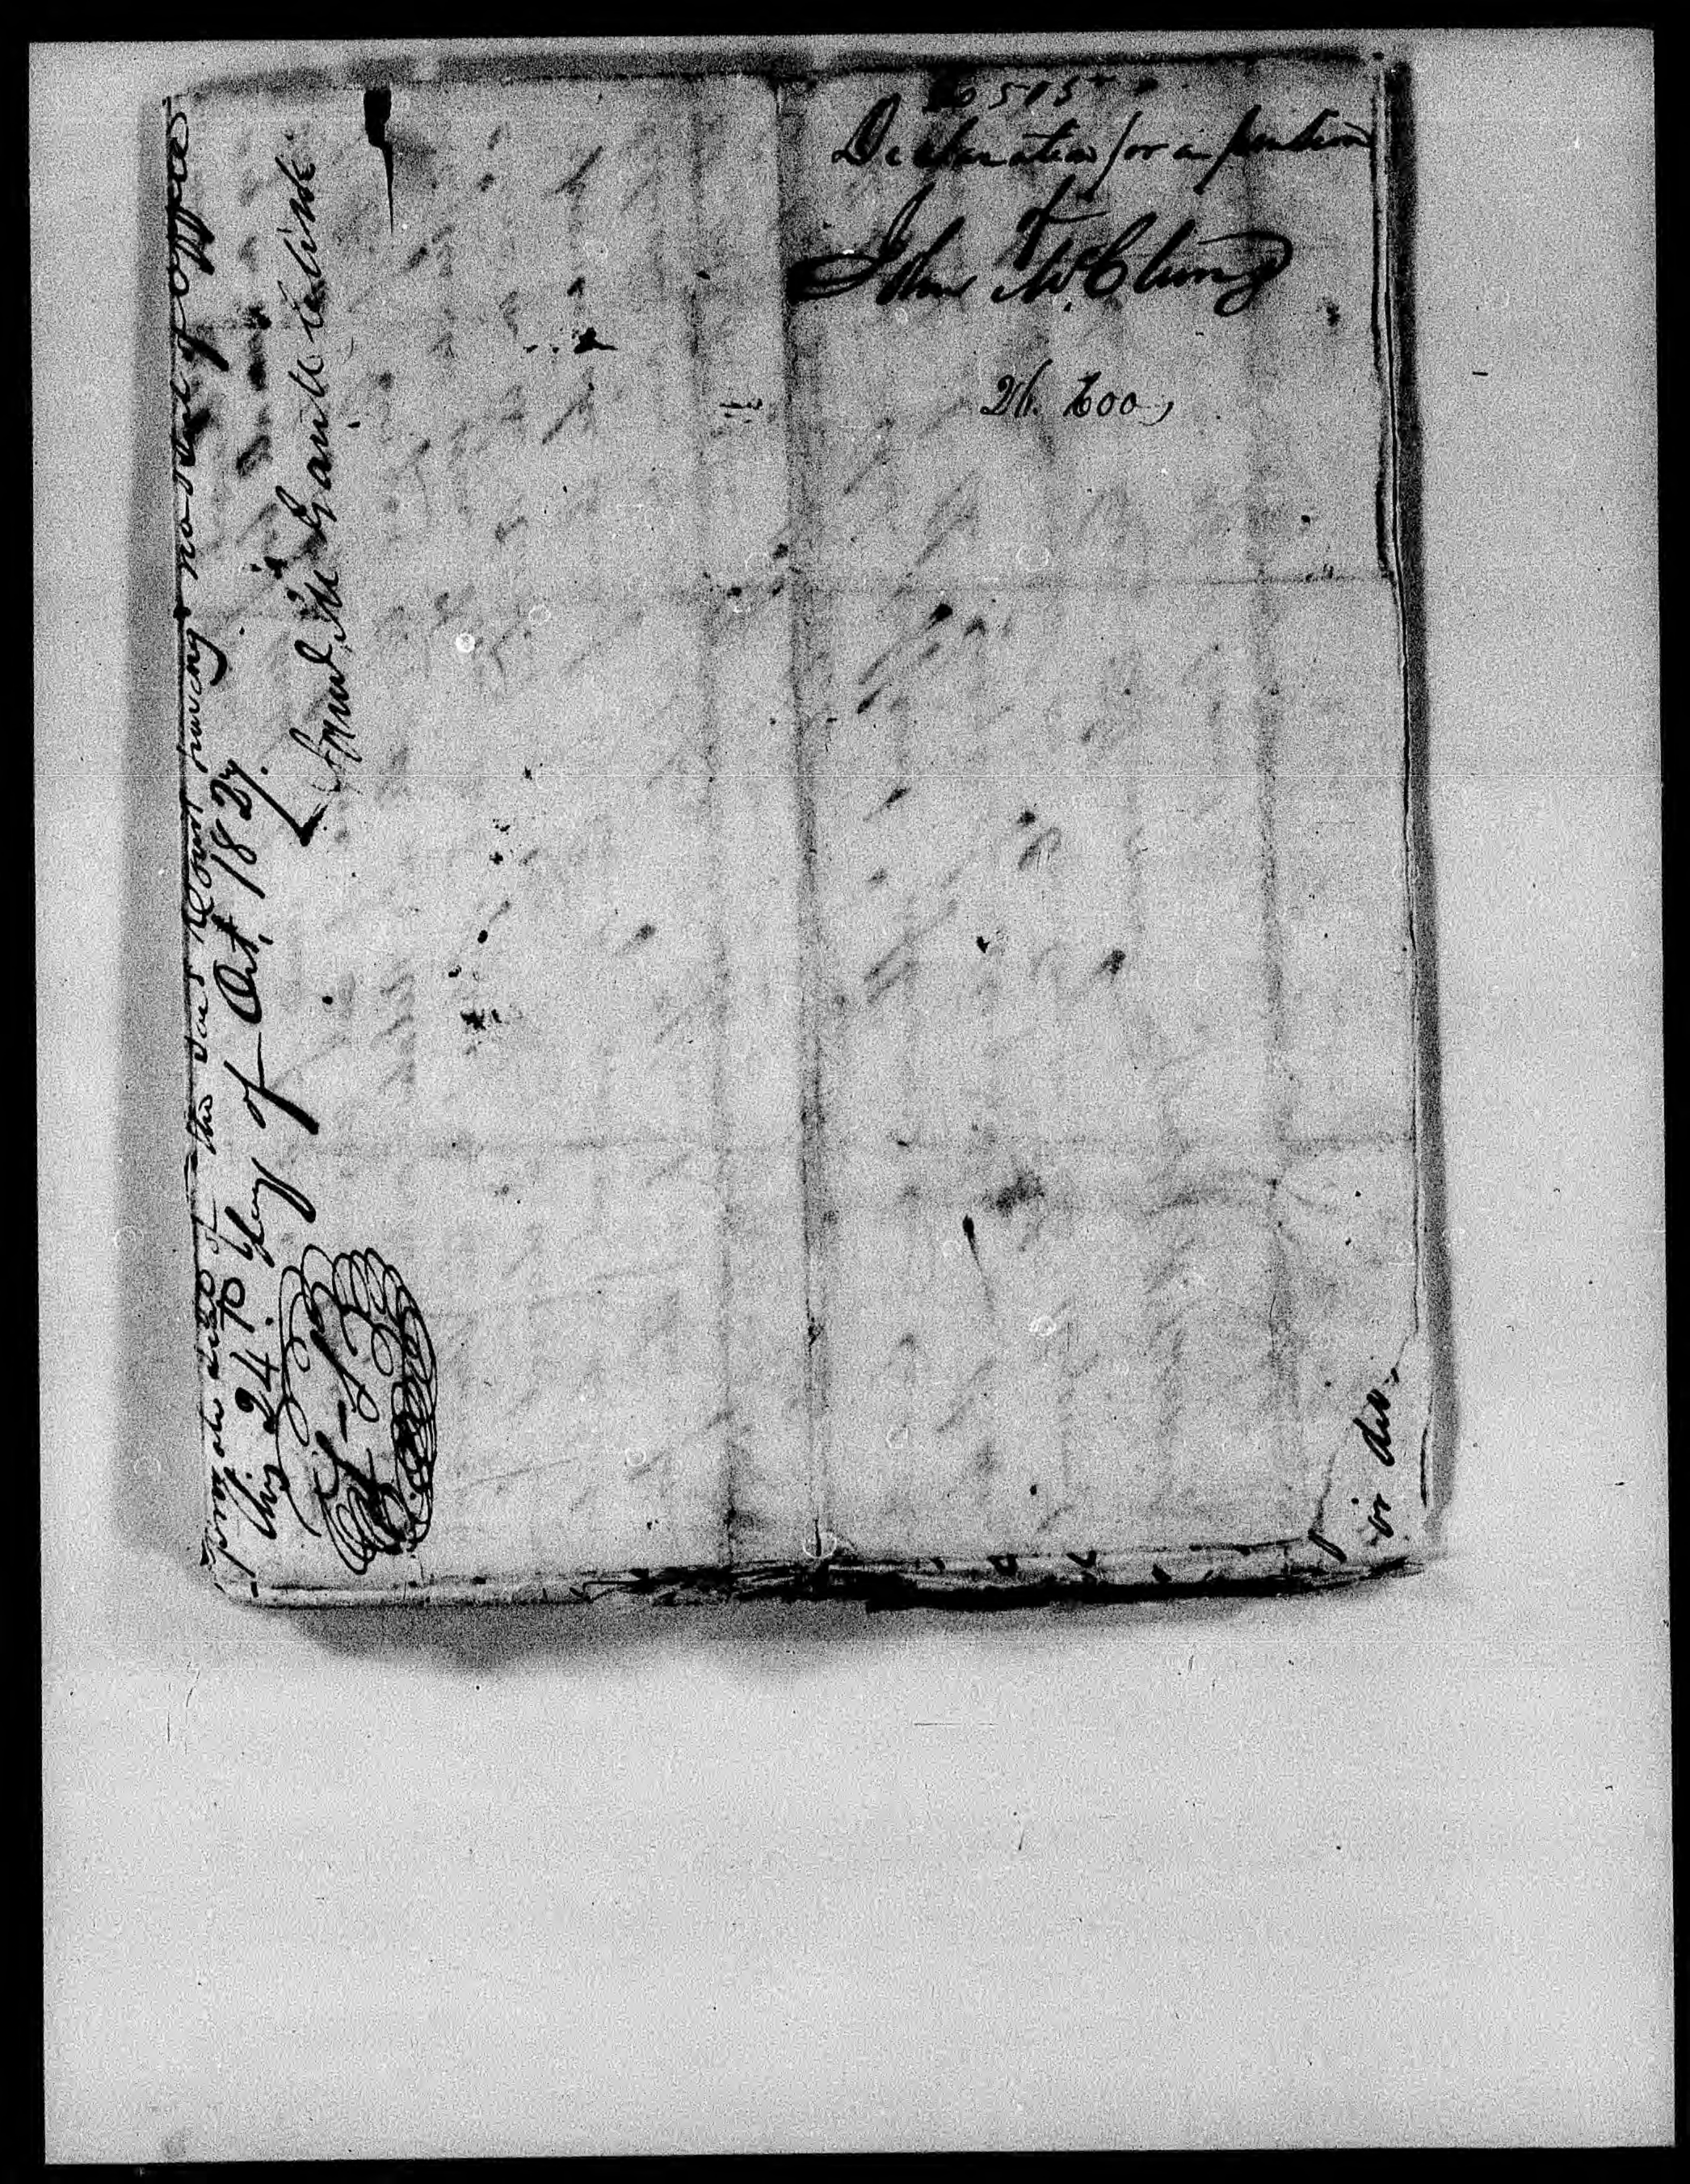private decd of the  [illegible] no seal of Offie
this 24th day of Oct. 1827.
SEAL 
Saml M Gautt [illegible]

[illegible] 515
Declaration for a Pension
John McClung
26. 600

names: Saml M Gautt; John Mc Clung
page: 20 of 115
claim: widow's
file: W. 1446, for John Mc Clung, South Carolina